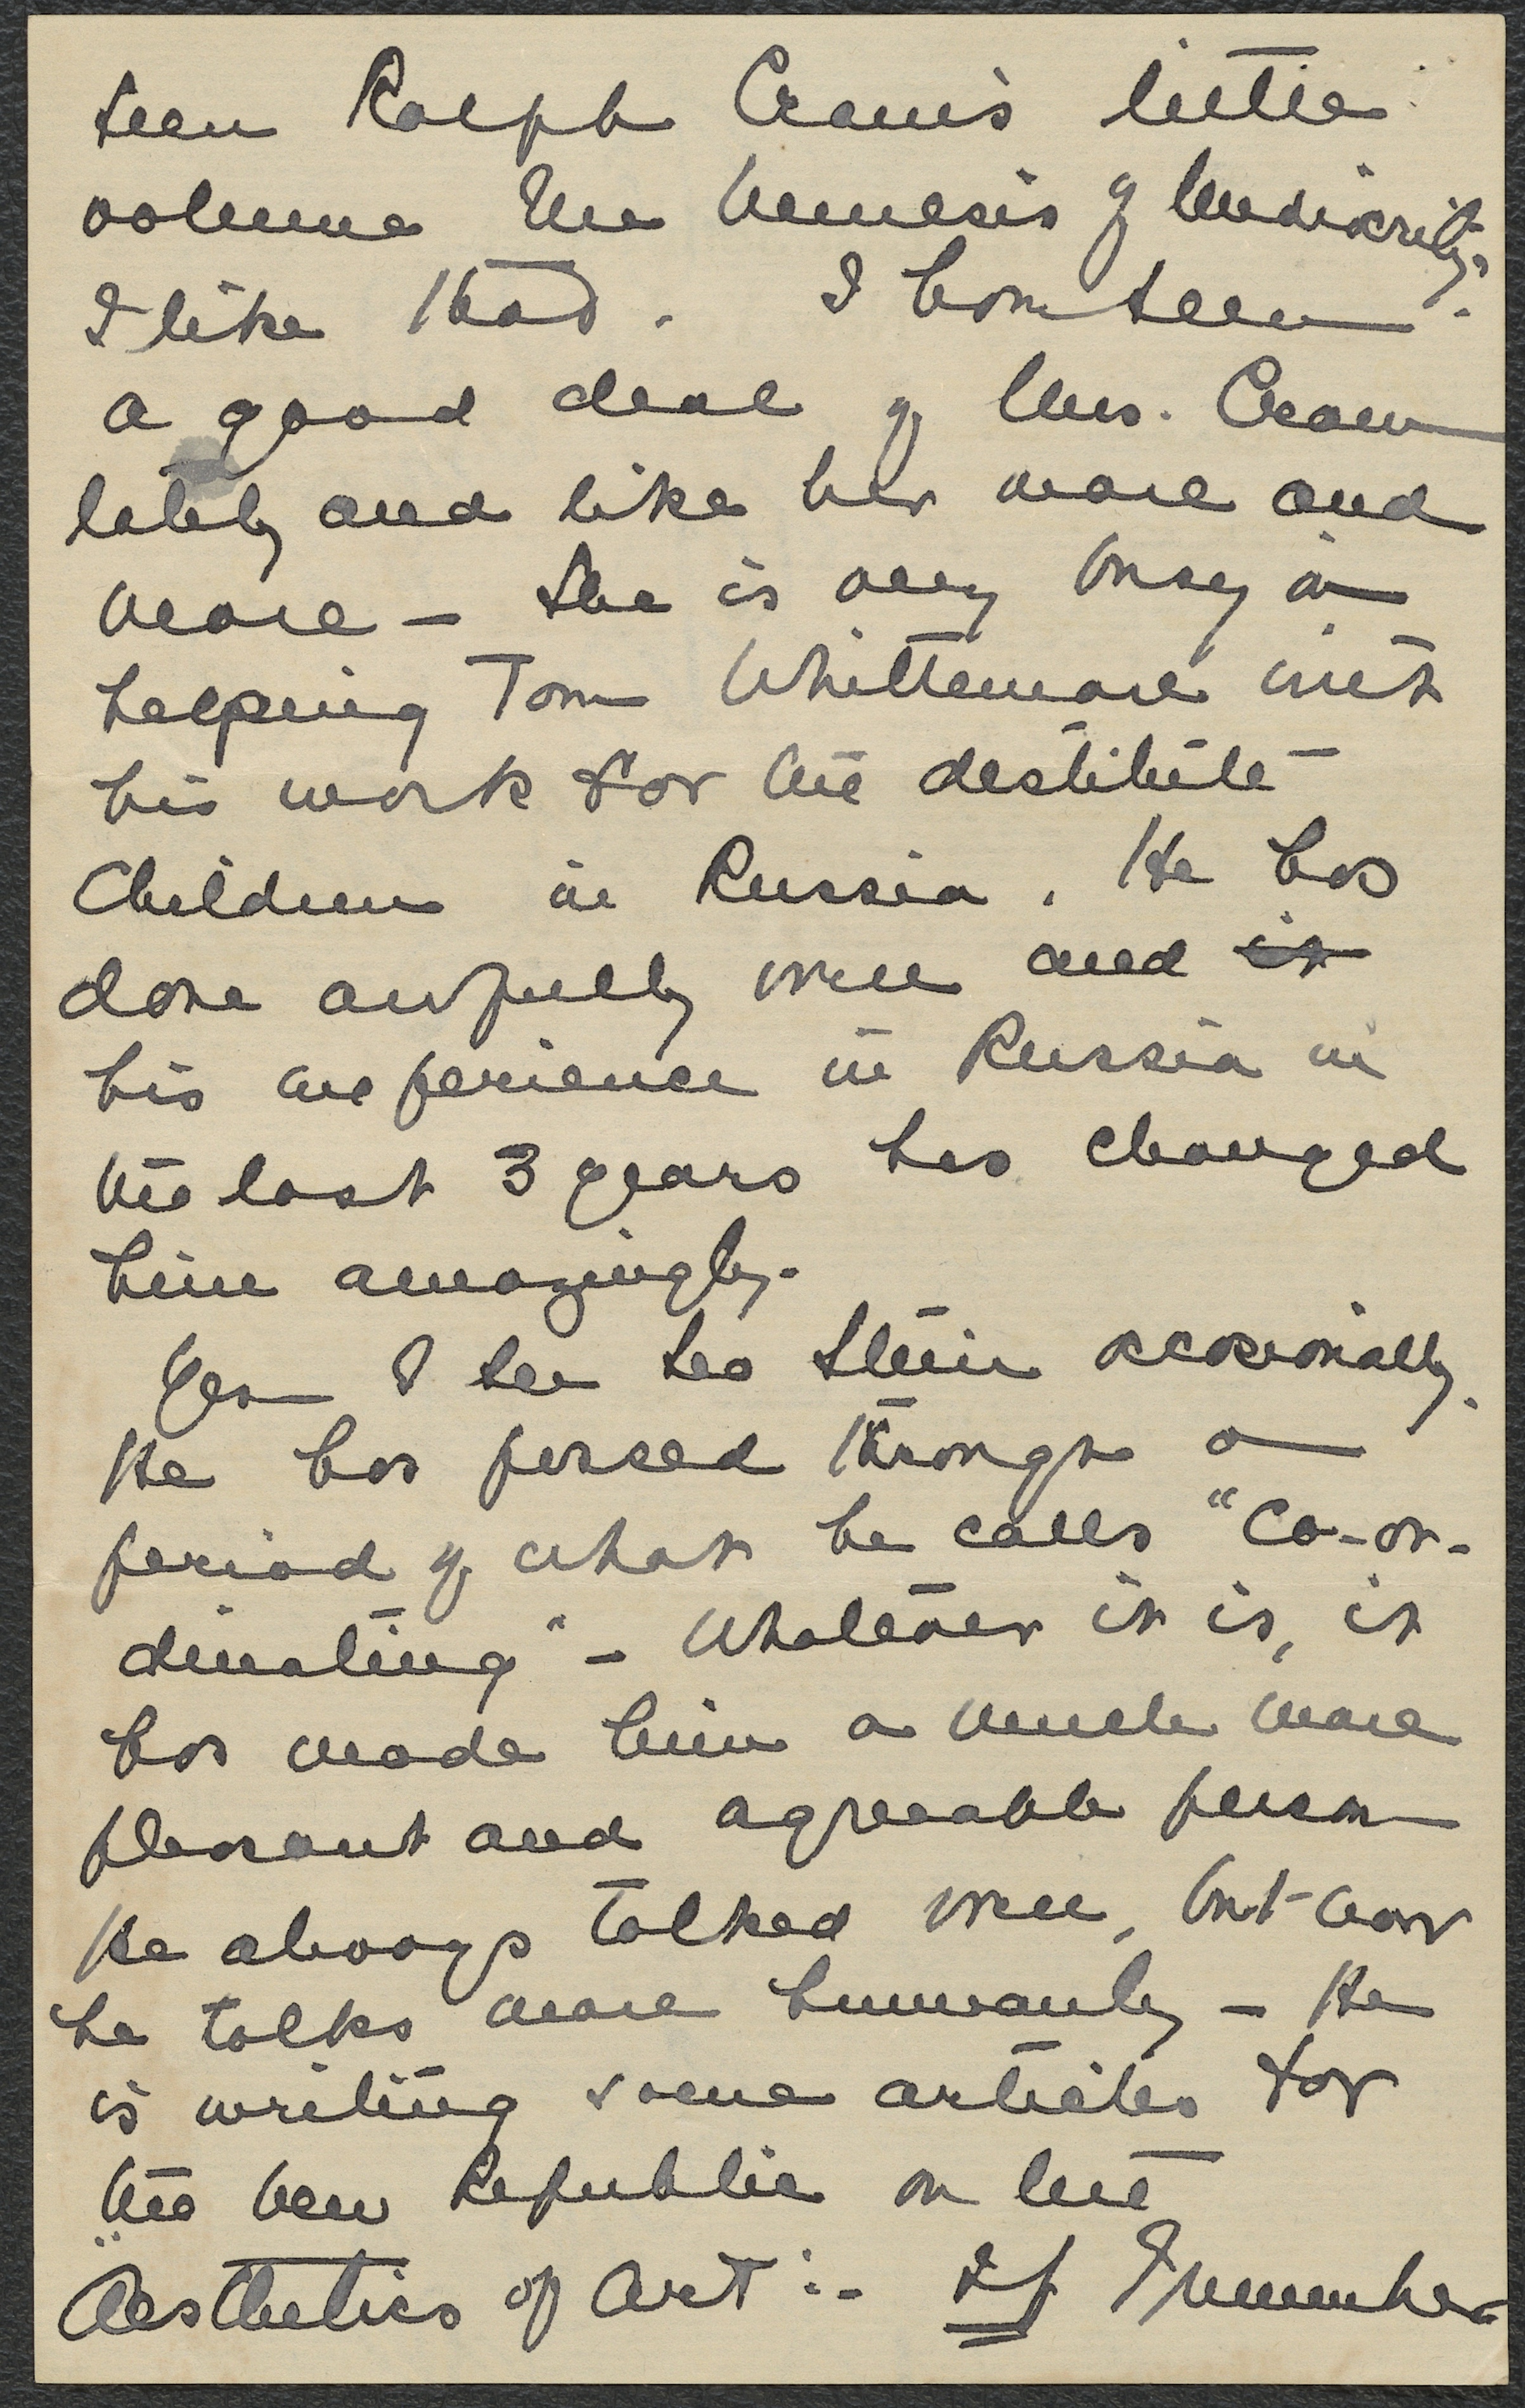seen Ralph Cram's little volume the Nemesis of "Mediocrity?" I like that. I have seen a good deal of Mrs. Cram lately and like her more and more – She is very busy in helping Tom Whittemore with his work for the destitute Children in Russia. He has done awfully well and it his experience in Russia in the last 3 years has changed him amazingly.
Yes I see Leo Stein occasionally. He has passed through a period of what he calls "co-or-dinating" – whatever it is, it has made him a much more pleasant and agreeable person – He always talked well, but now he talks more humanly – He is writing some articles for the New Republic on the "Aesthetics of Art" – If I remember